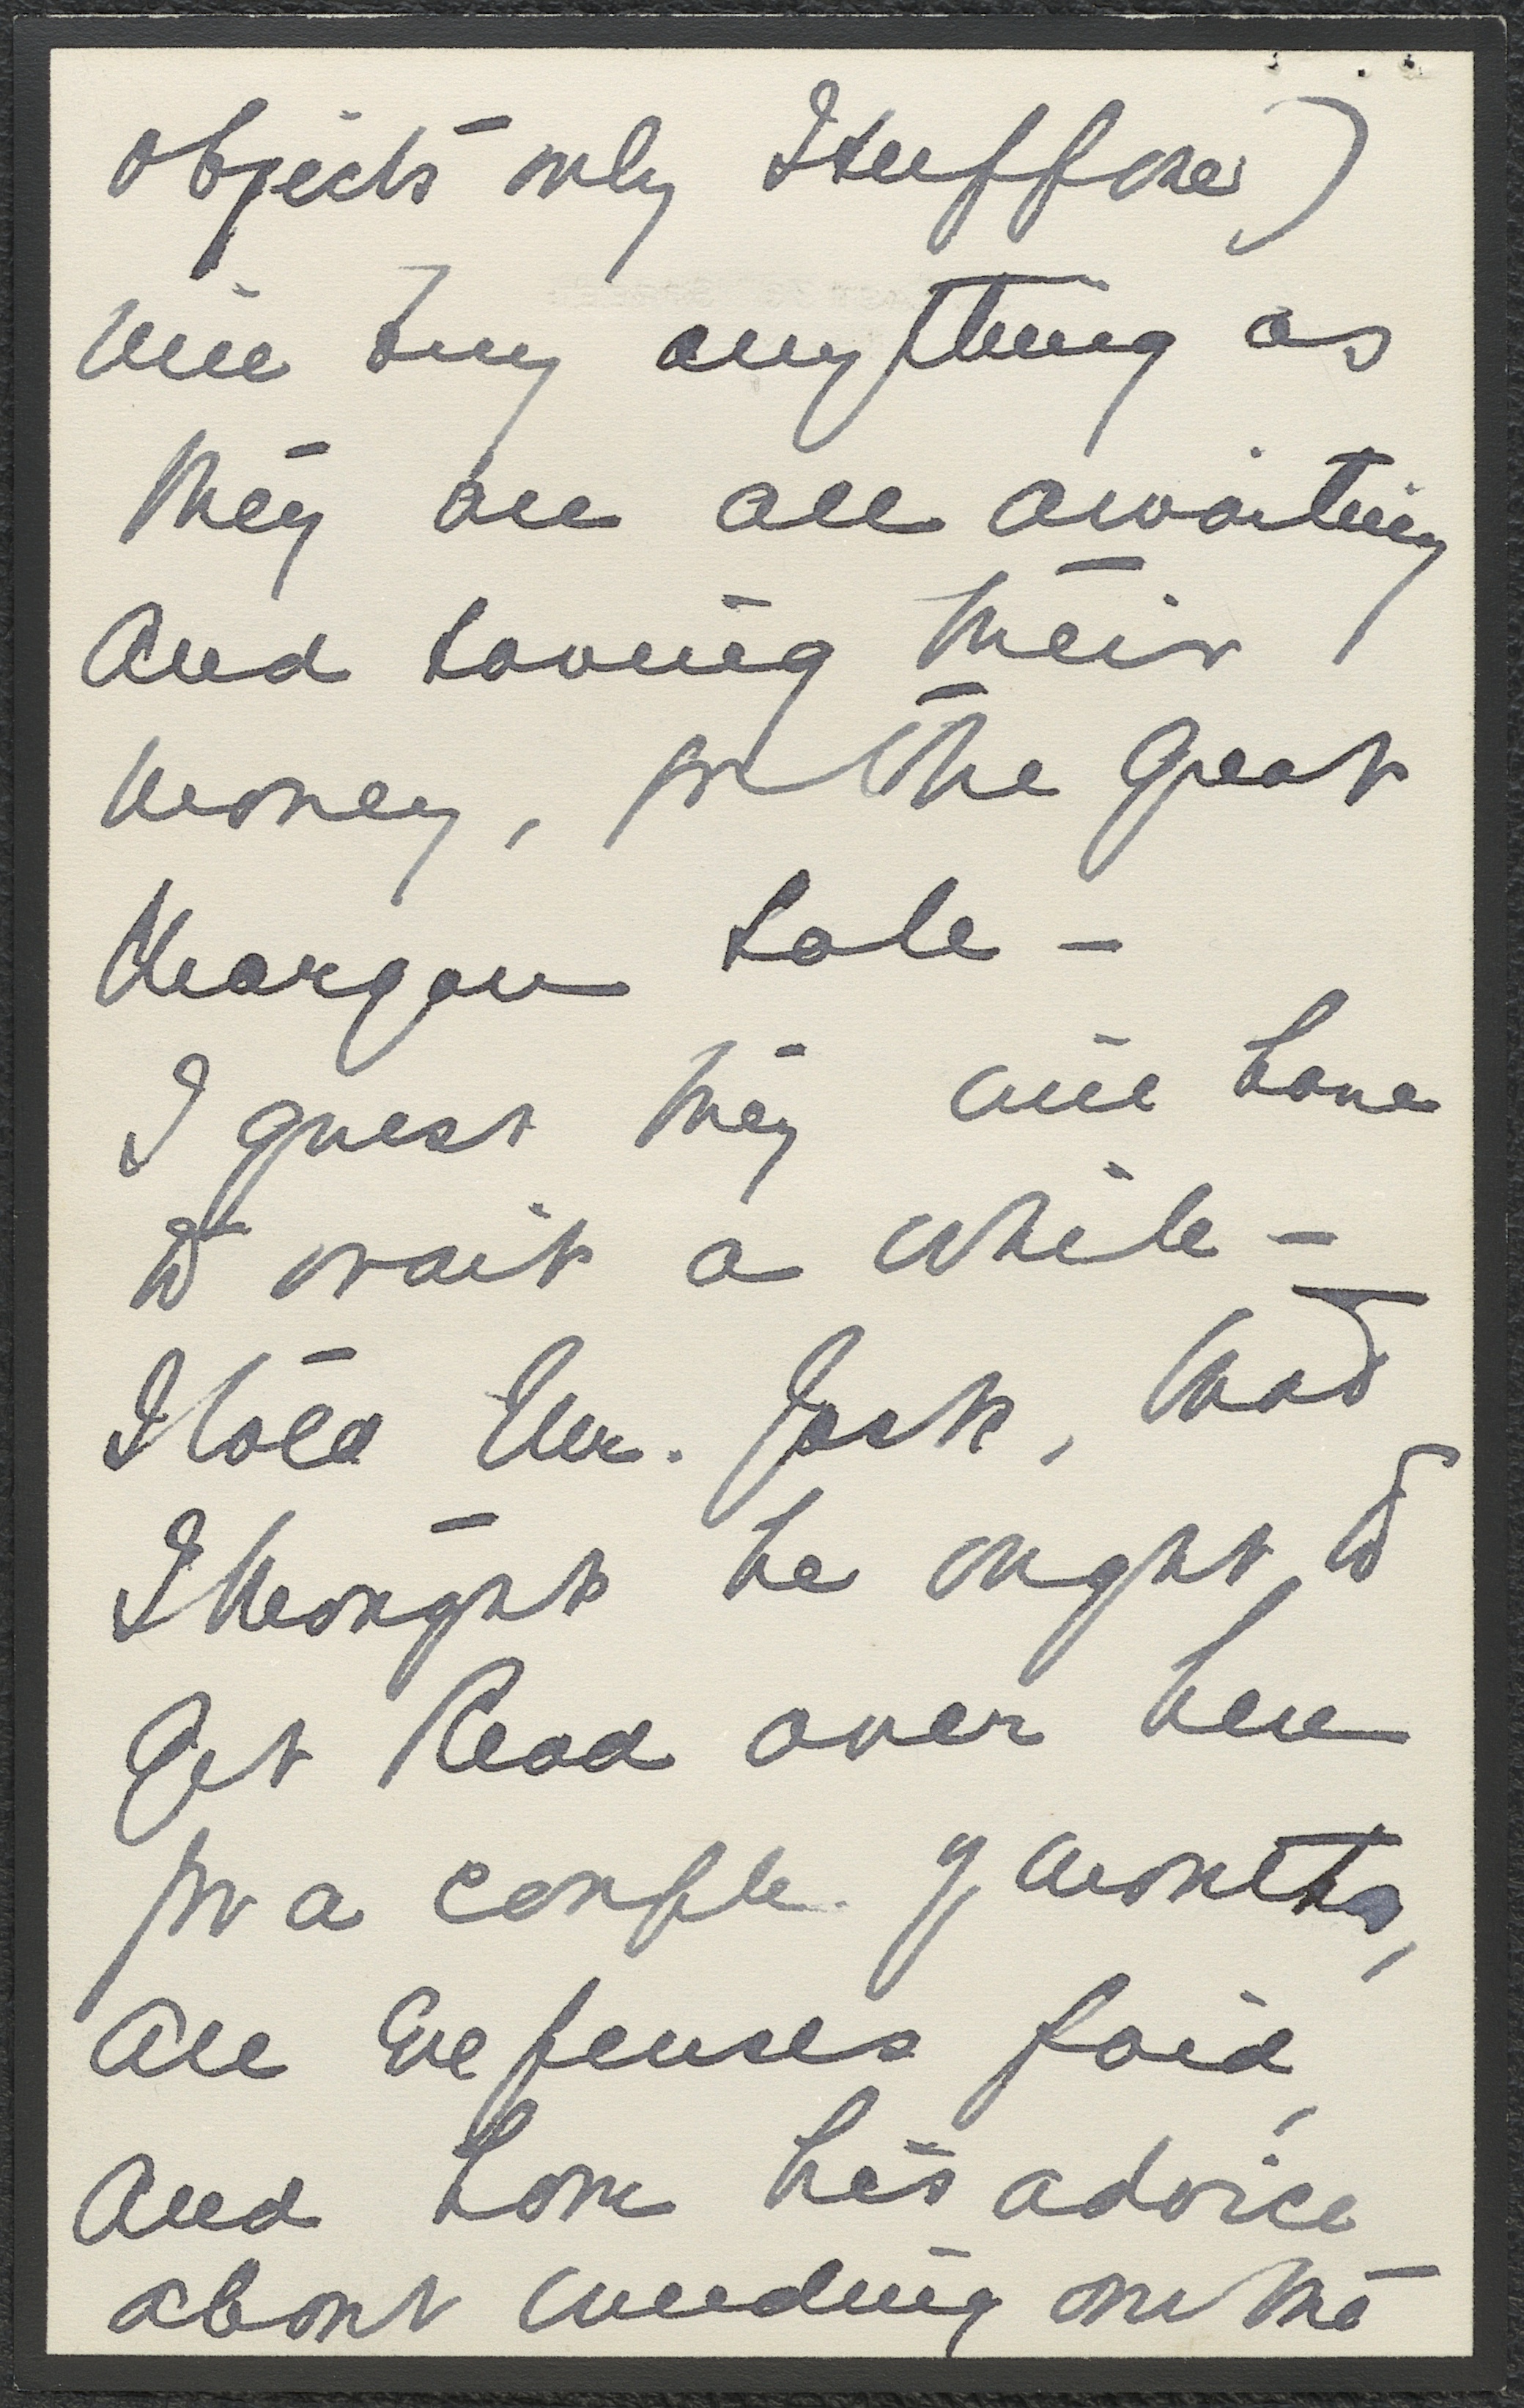objects only I suppose) will buy anything as they are all awaiting and saving their money, for the great Morgan sale –
I guess they will have to wait a while – I told Mr. Jack, that I thought he ought to get Read over here for a couple of months, all expenses paid, and have his advice about weeding out the